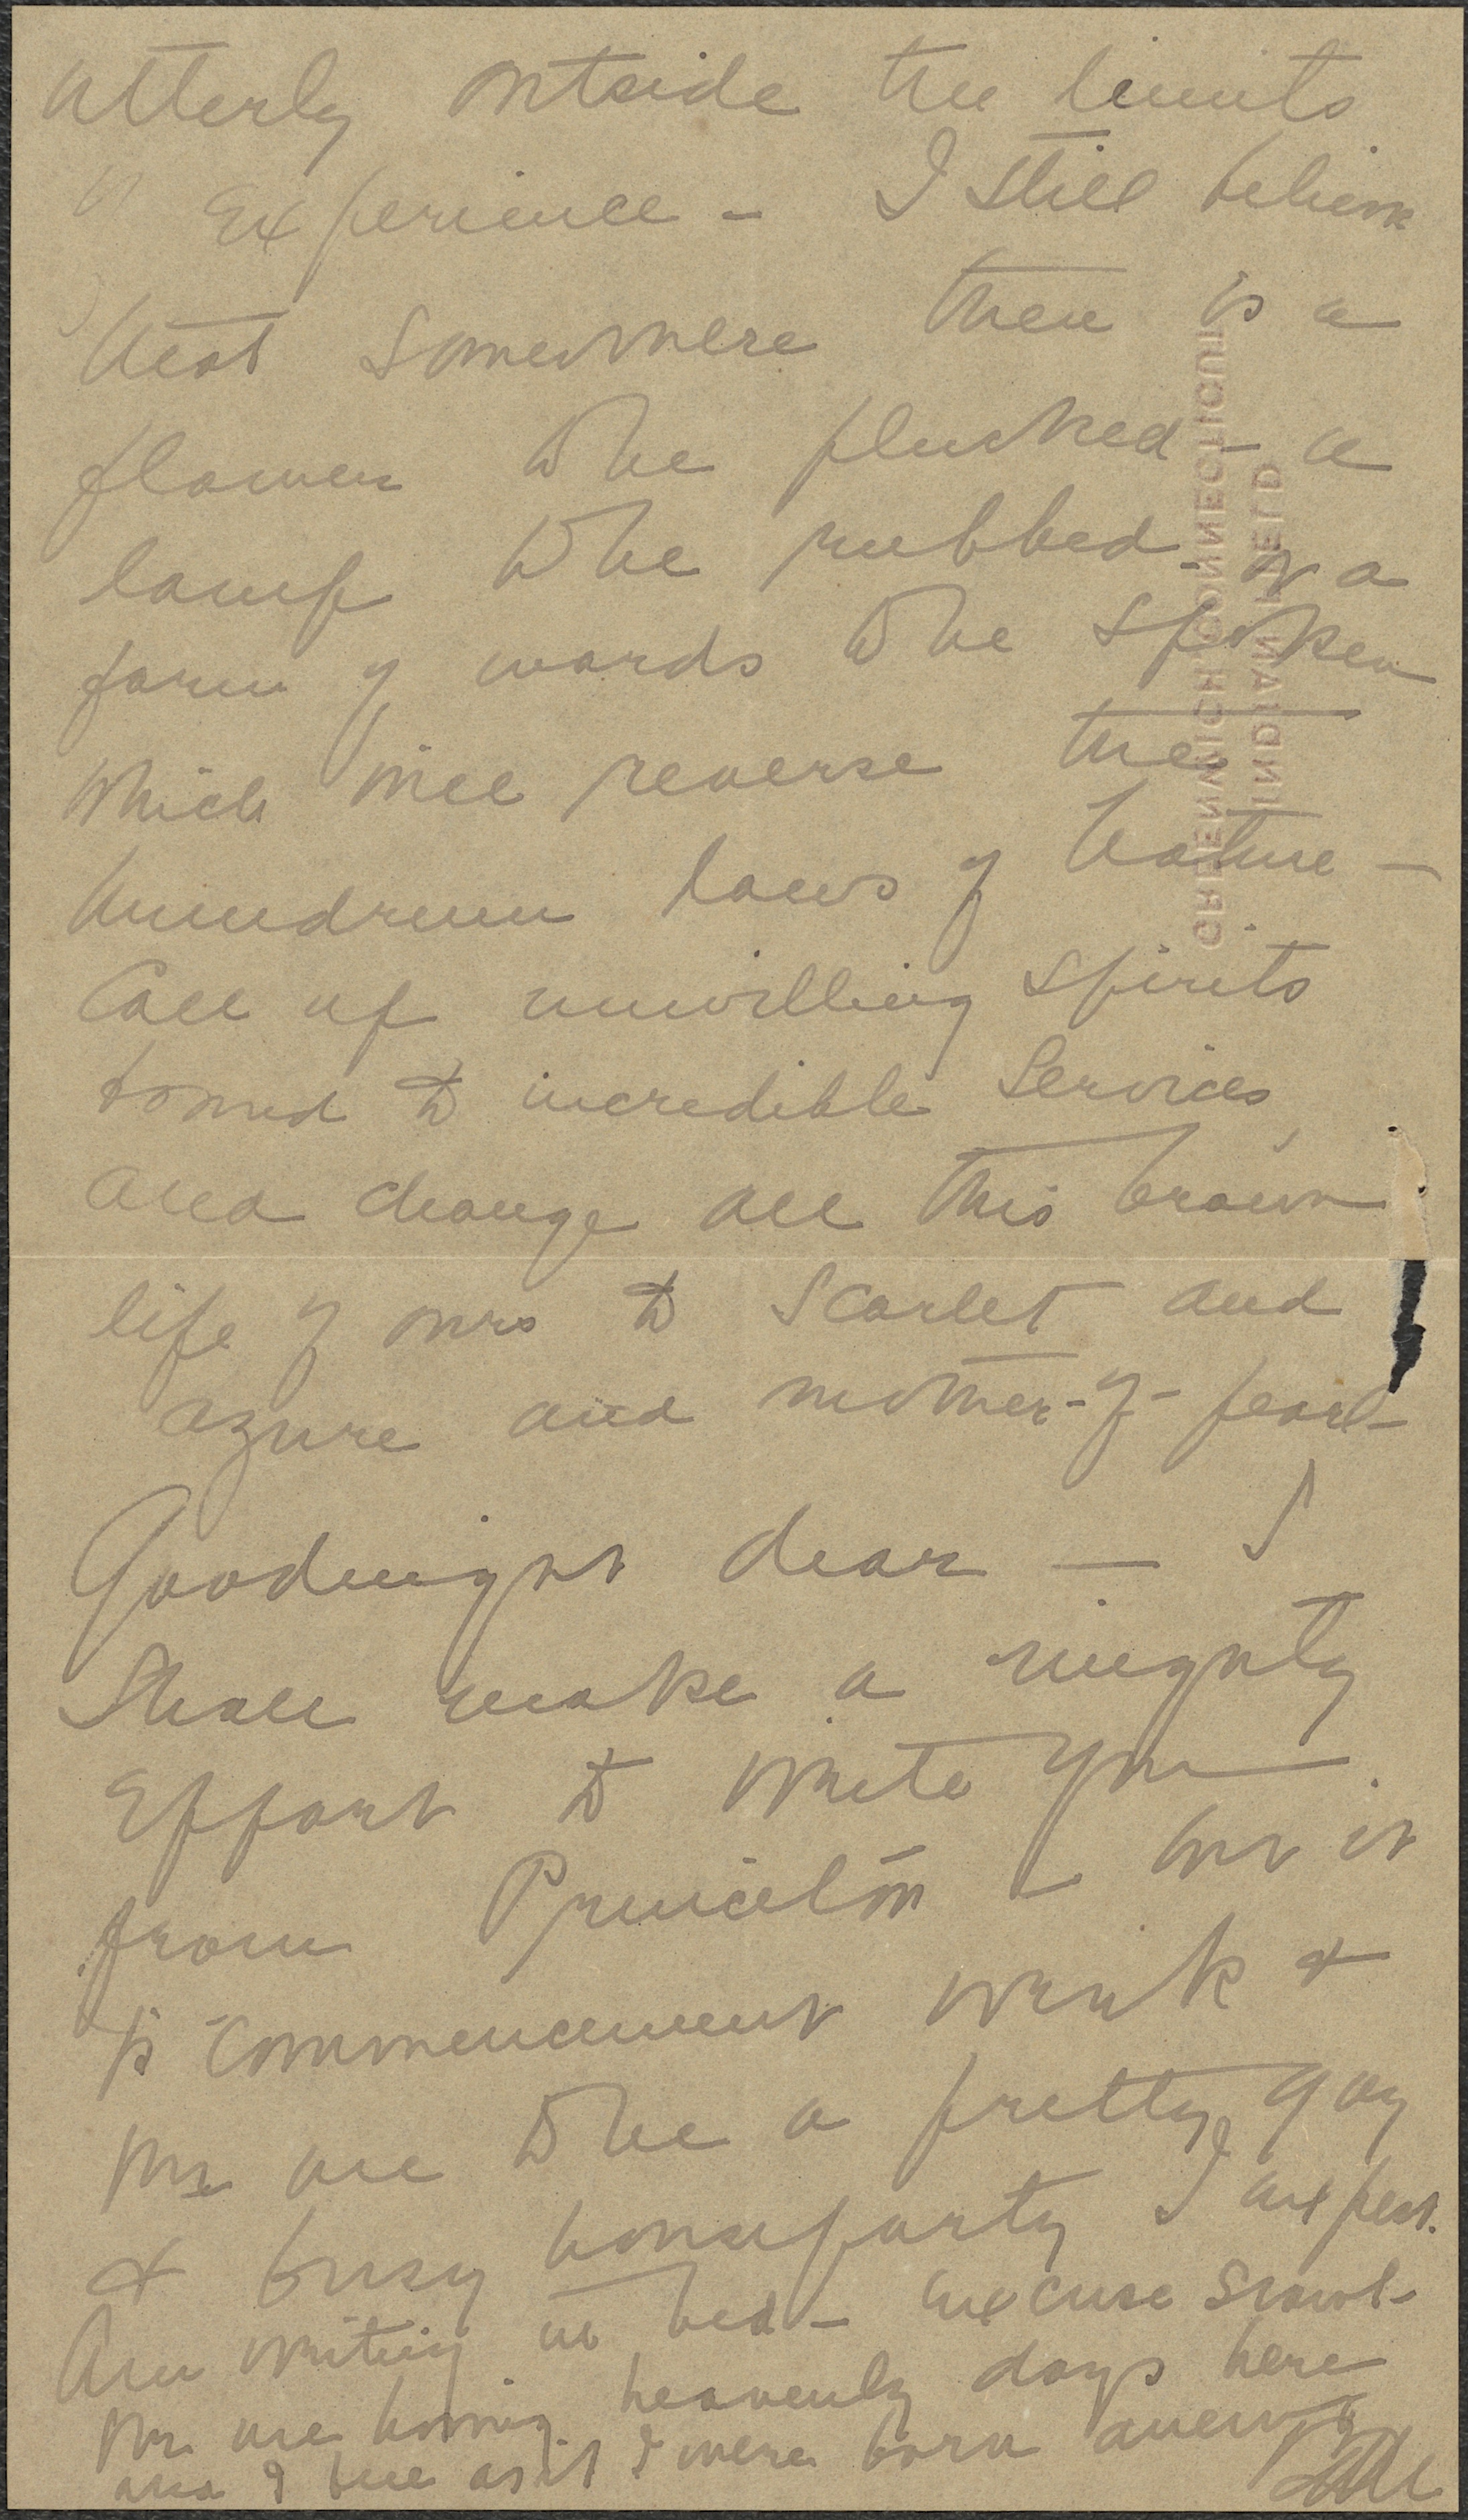utterly outside the limits of experience – I still believe that somewhere there is a flower to be plucked – a lamp to be rubbed – or a form of words to be spoken which will reverse the humdrum laws of nature – call up unwilling spirits, bound to incredible services and change all this brown life of ours to scarlet and azure and mother-of-pearl –
Goodnight dear – I shall make a mighty effort to write you from Princeton – but it is commencement week & we are to be a pretty gay & busy houseparty I expect. Am writing in bed – excuse scrawl – We are having heavenly days here and I feel as if I were born anew
Belle